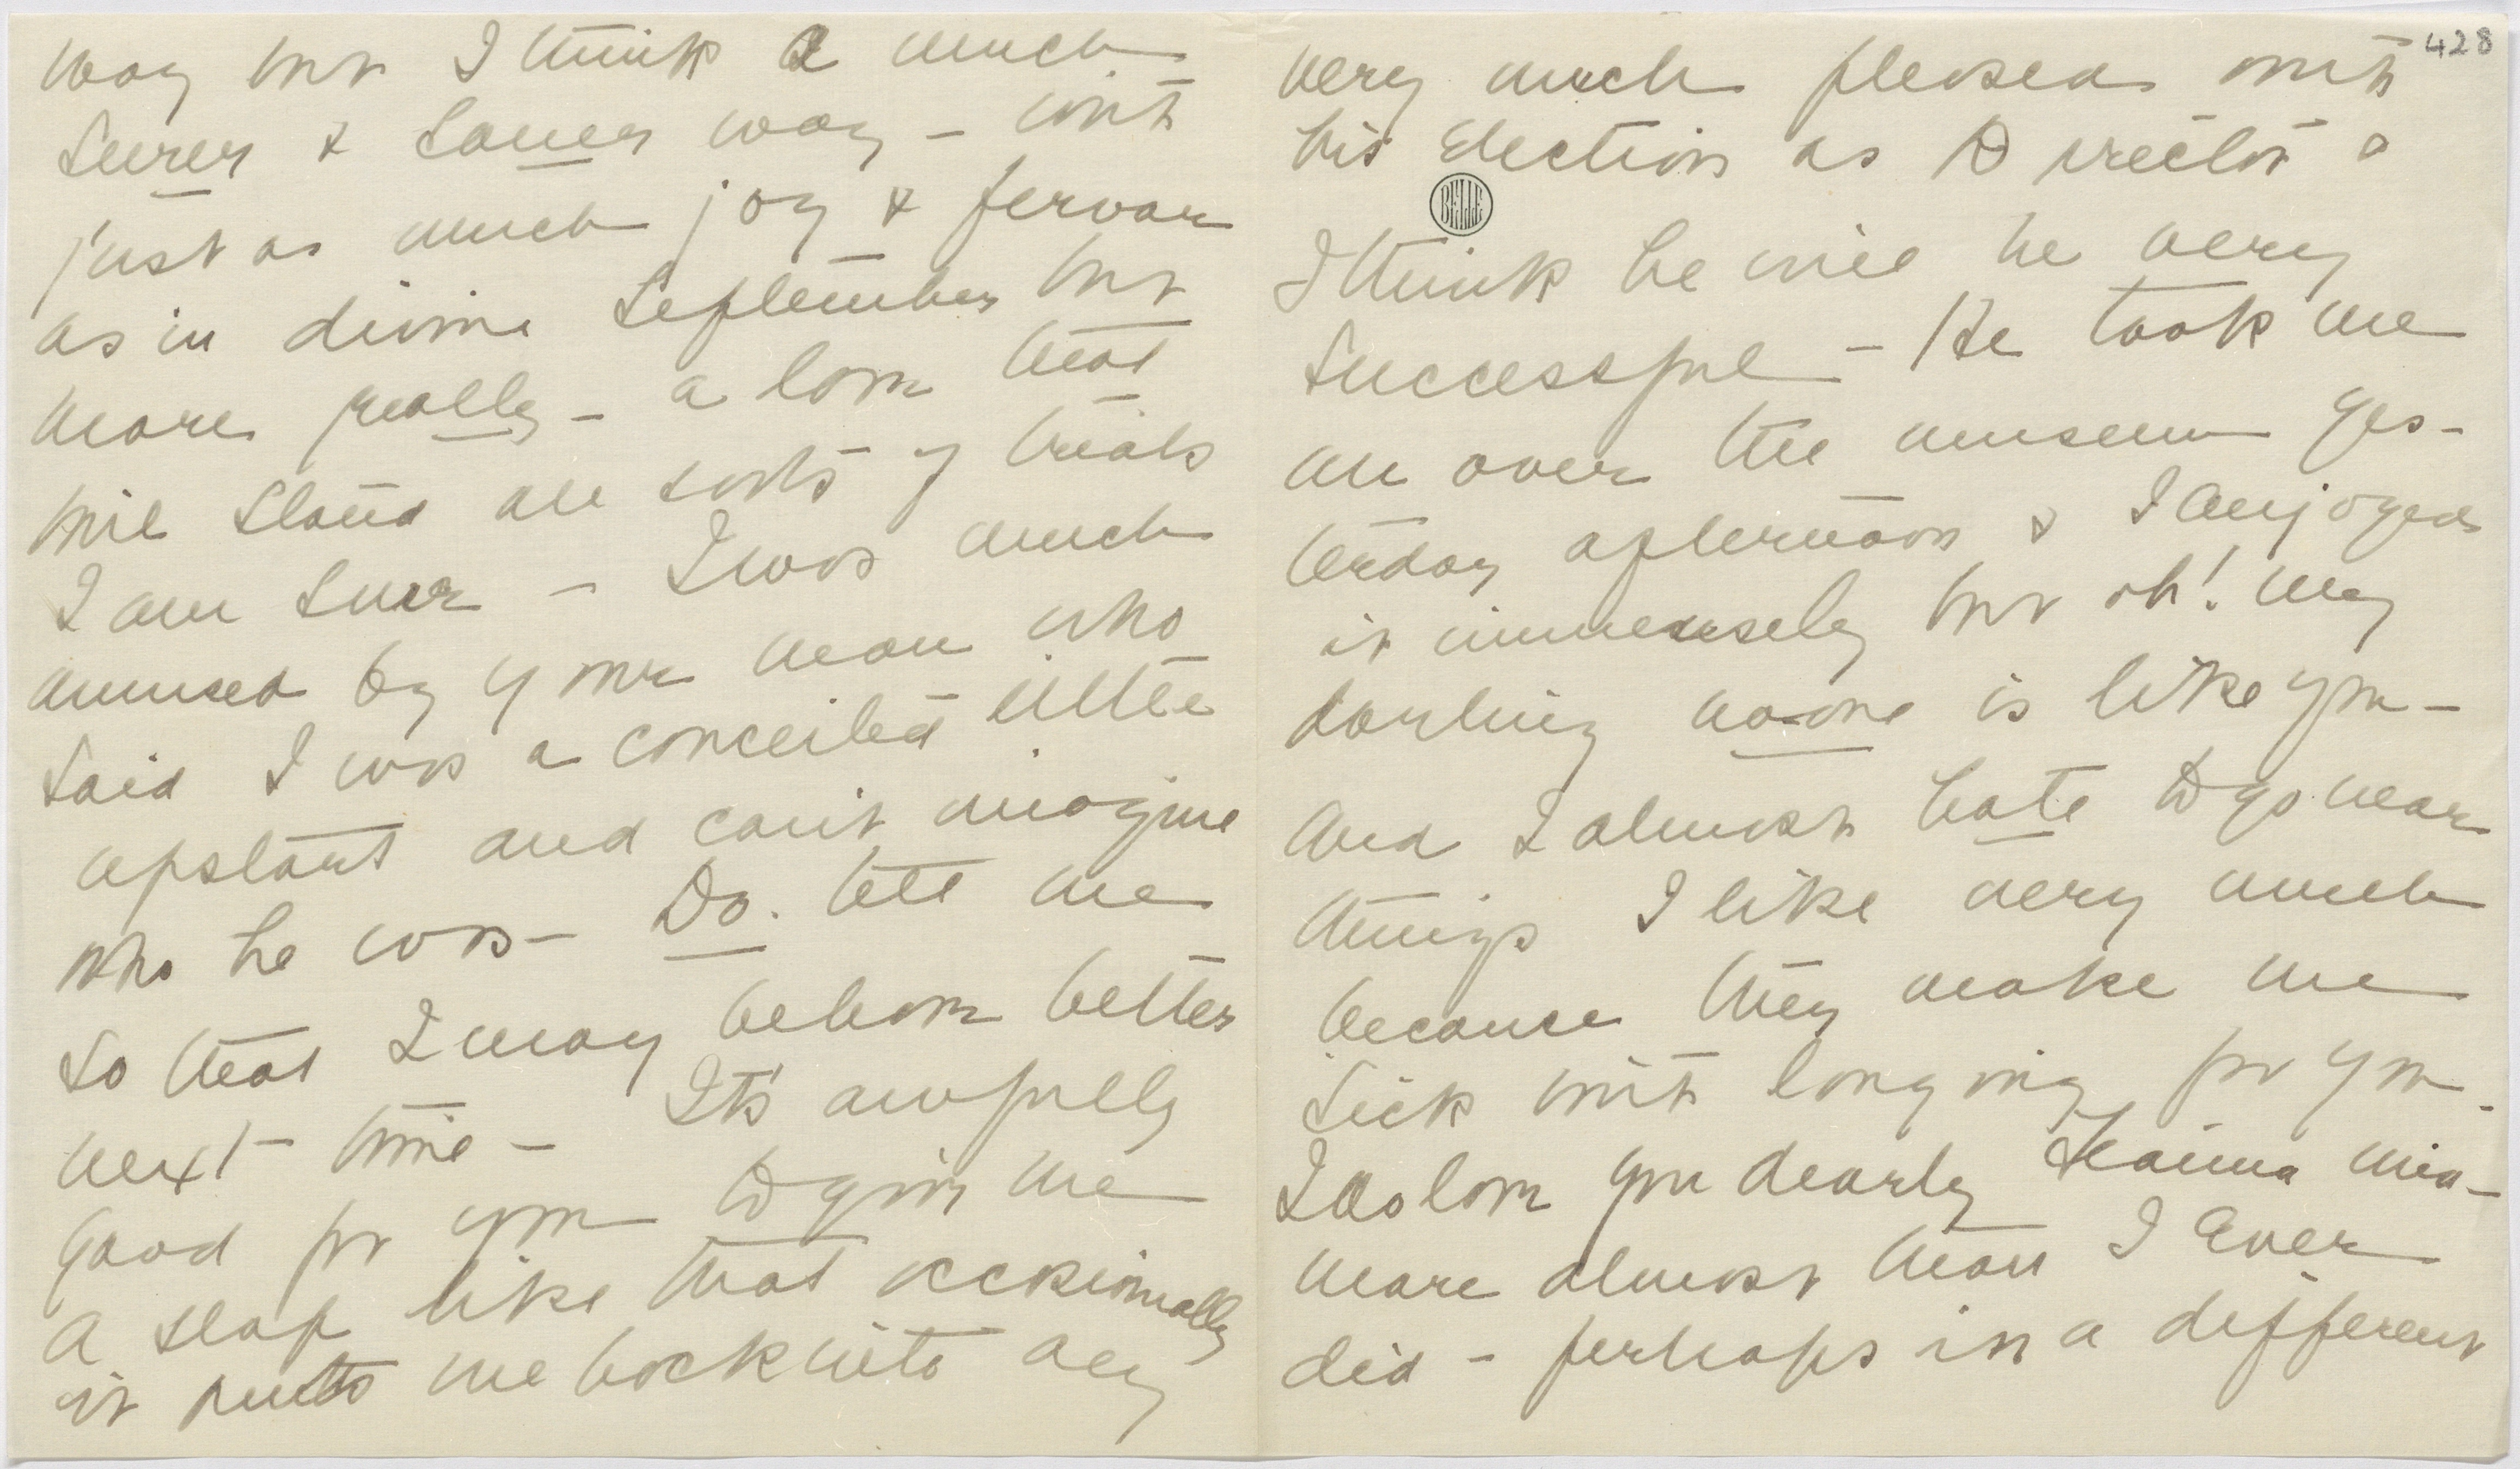very much pleased with his election as Director & I think he will be very successful – He took me all over the museum yesterday afternoon & I enjoyed it immensely but oh! my darling no-one is like you – and I almost hate to go near things I like very much because they make me sick with longing for you. I do love you dearly Fiama [sic] mia – more almost than I ever did – perhaps in a different
way but I think a much surer & saner way – with just as much joy & fervor as in divine September but more really – a love that will stand all sorts of treats I am sure – I was much amused by your man who said I was a conceited little upstart and can’t imagine who he was – Do tell me so that I may behave better next time – It’s awfully good for you to give me a slap like that occasionally it puts me back into my